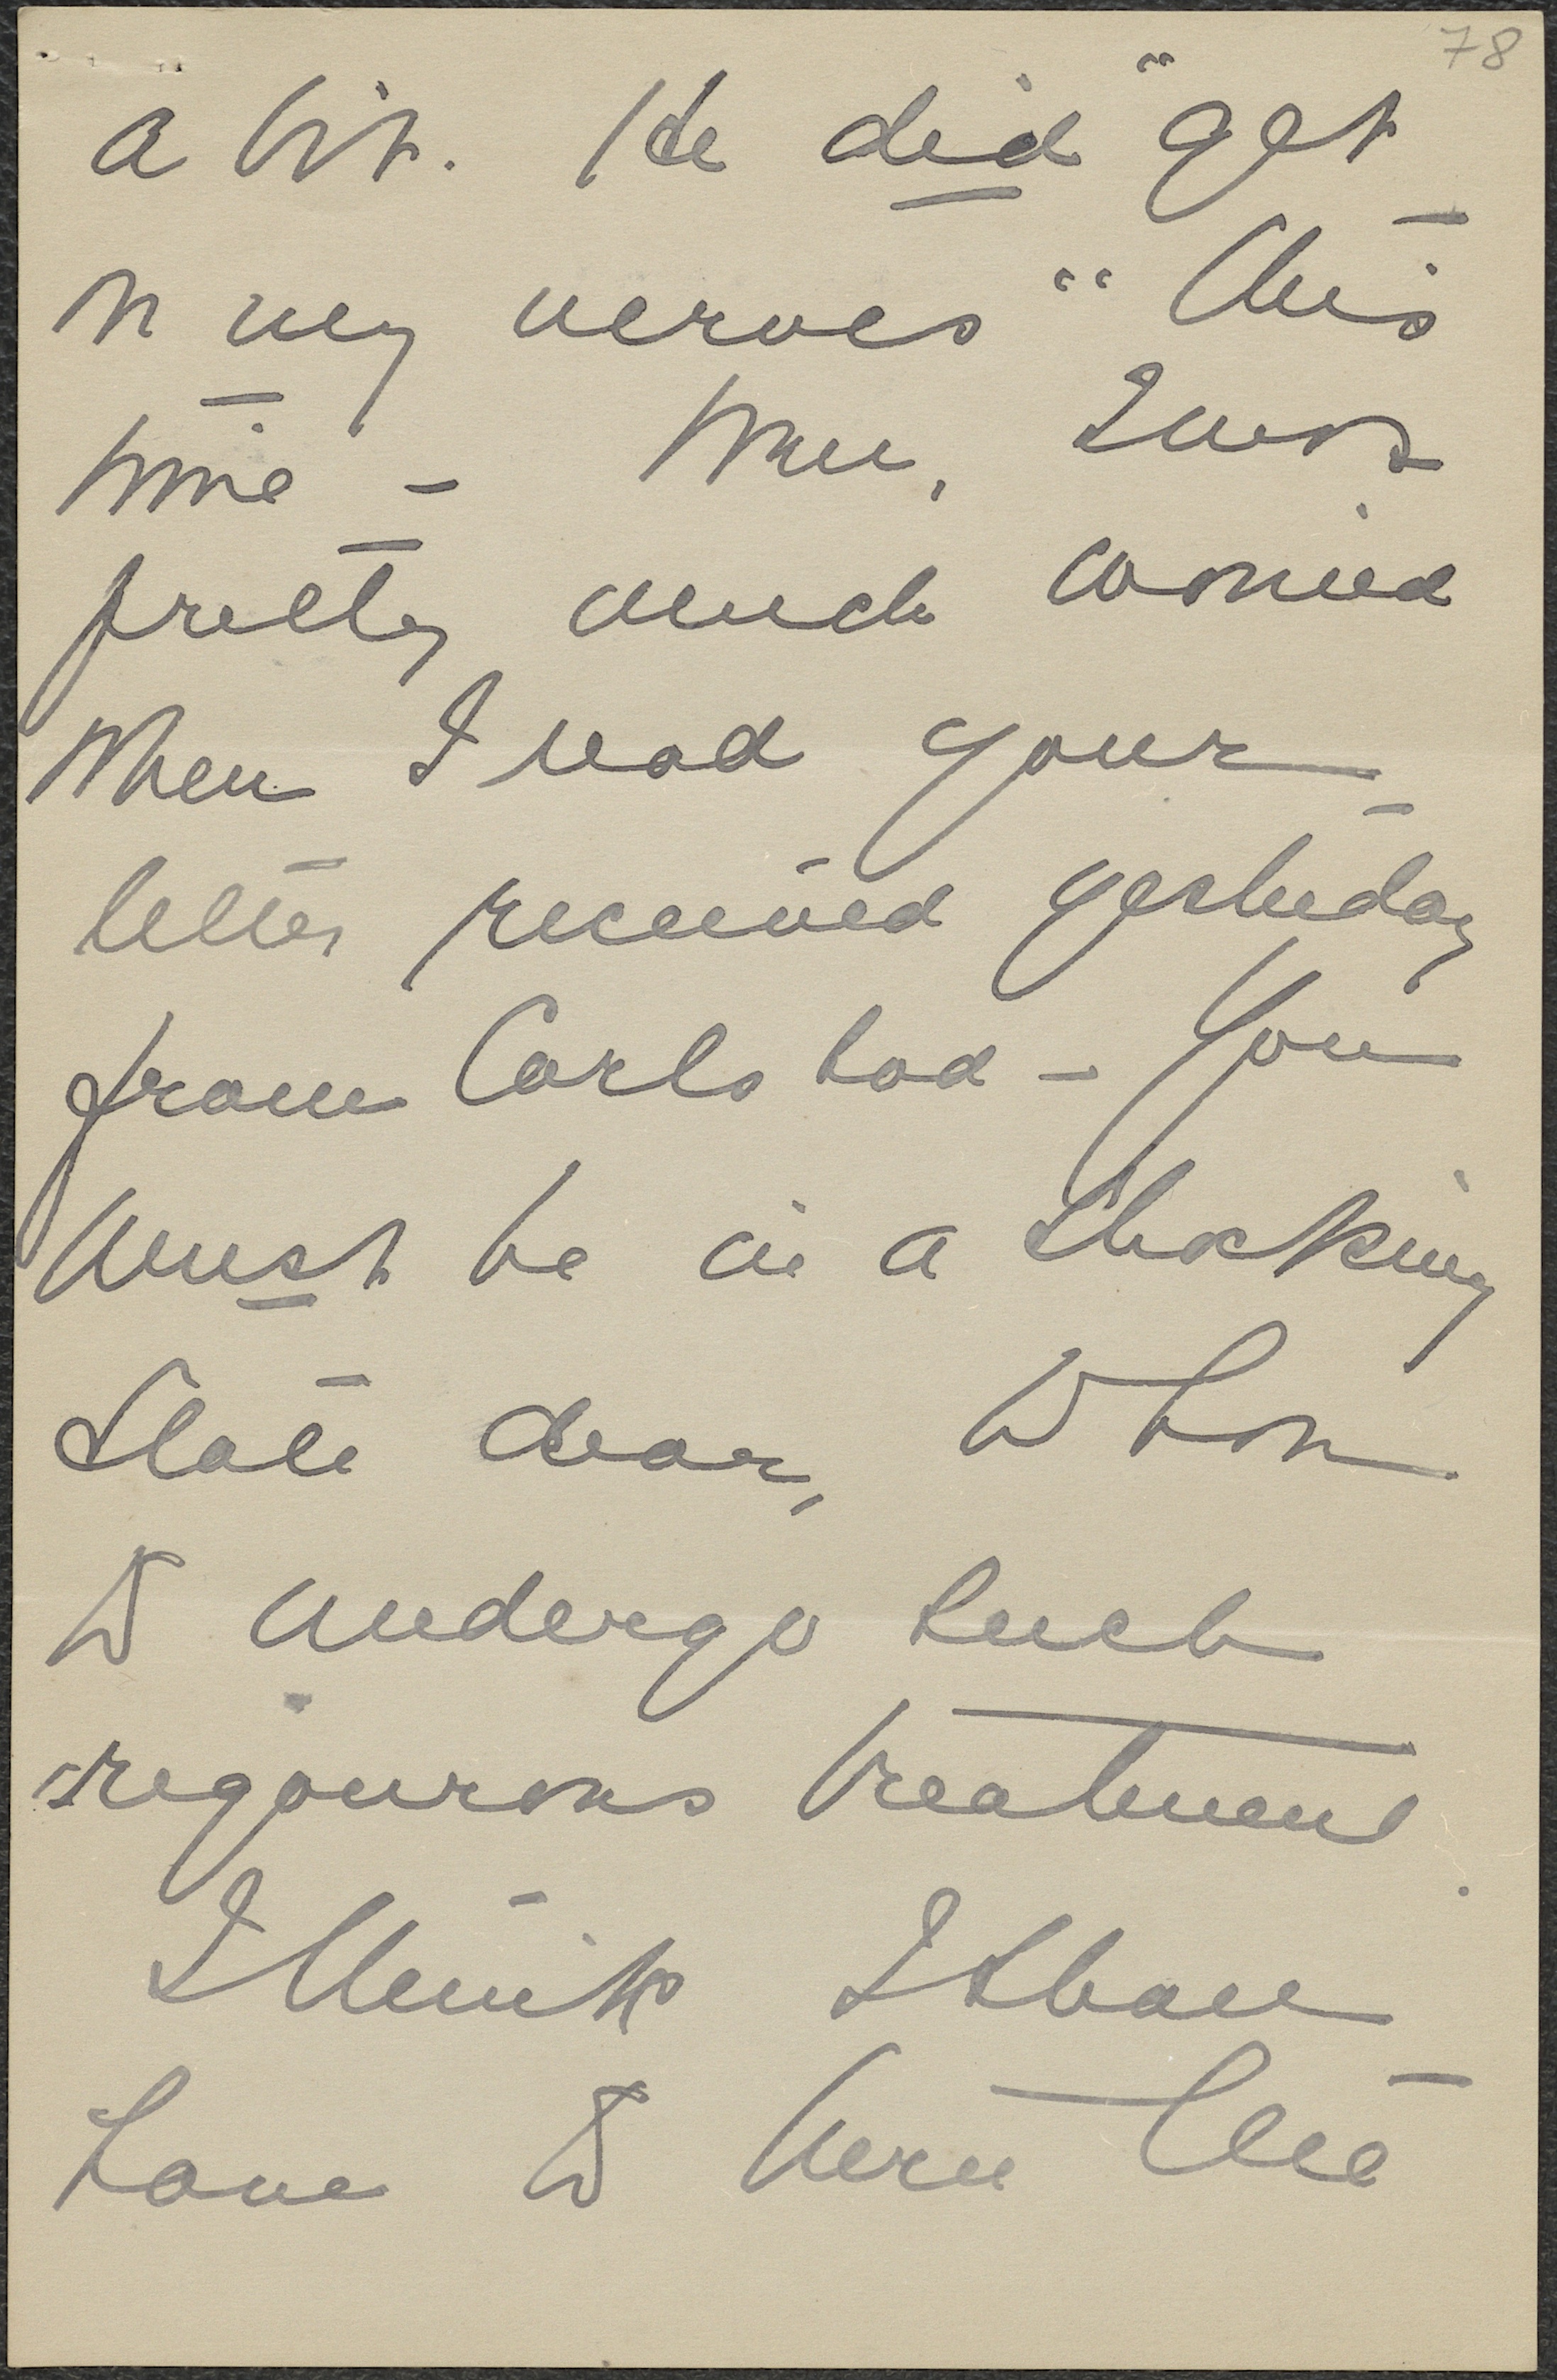a bit. He did “get on my nerves” this time – Well, I was pretty much worried when I read your letter received yesterday from Carlsbad – You must be in a shocking state dear, to have to undergo such rigorous treatment. I think I shall have to turn the